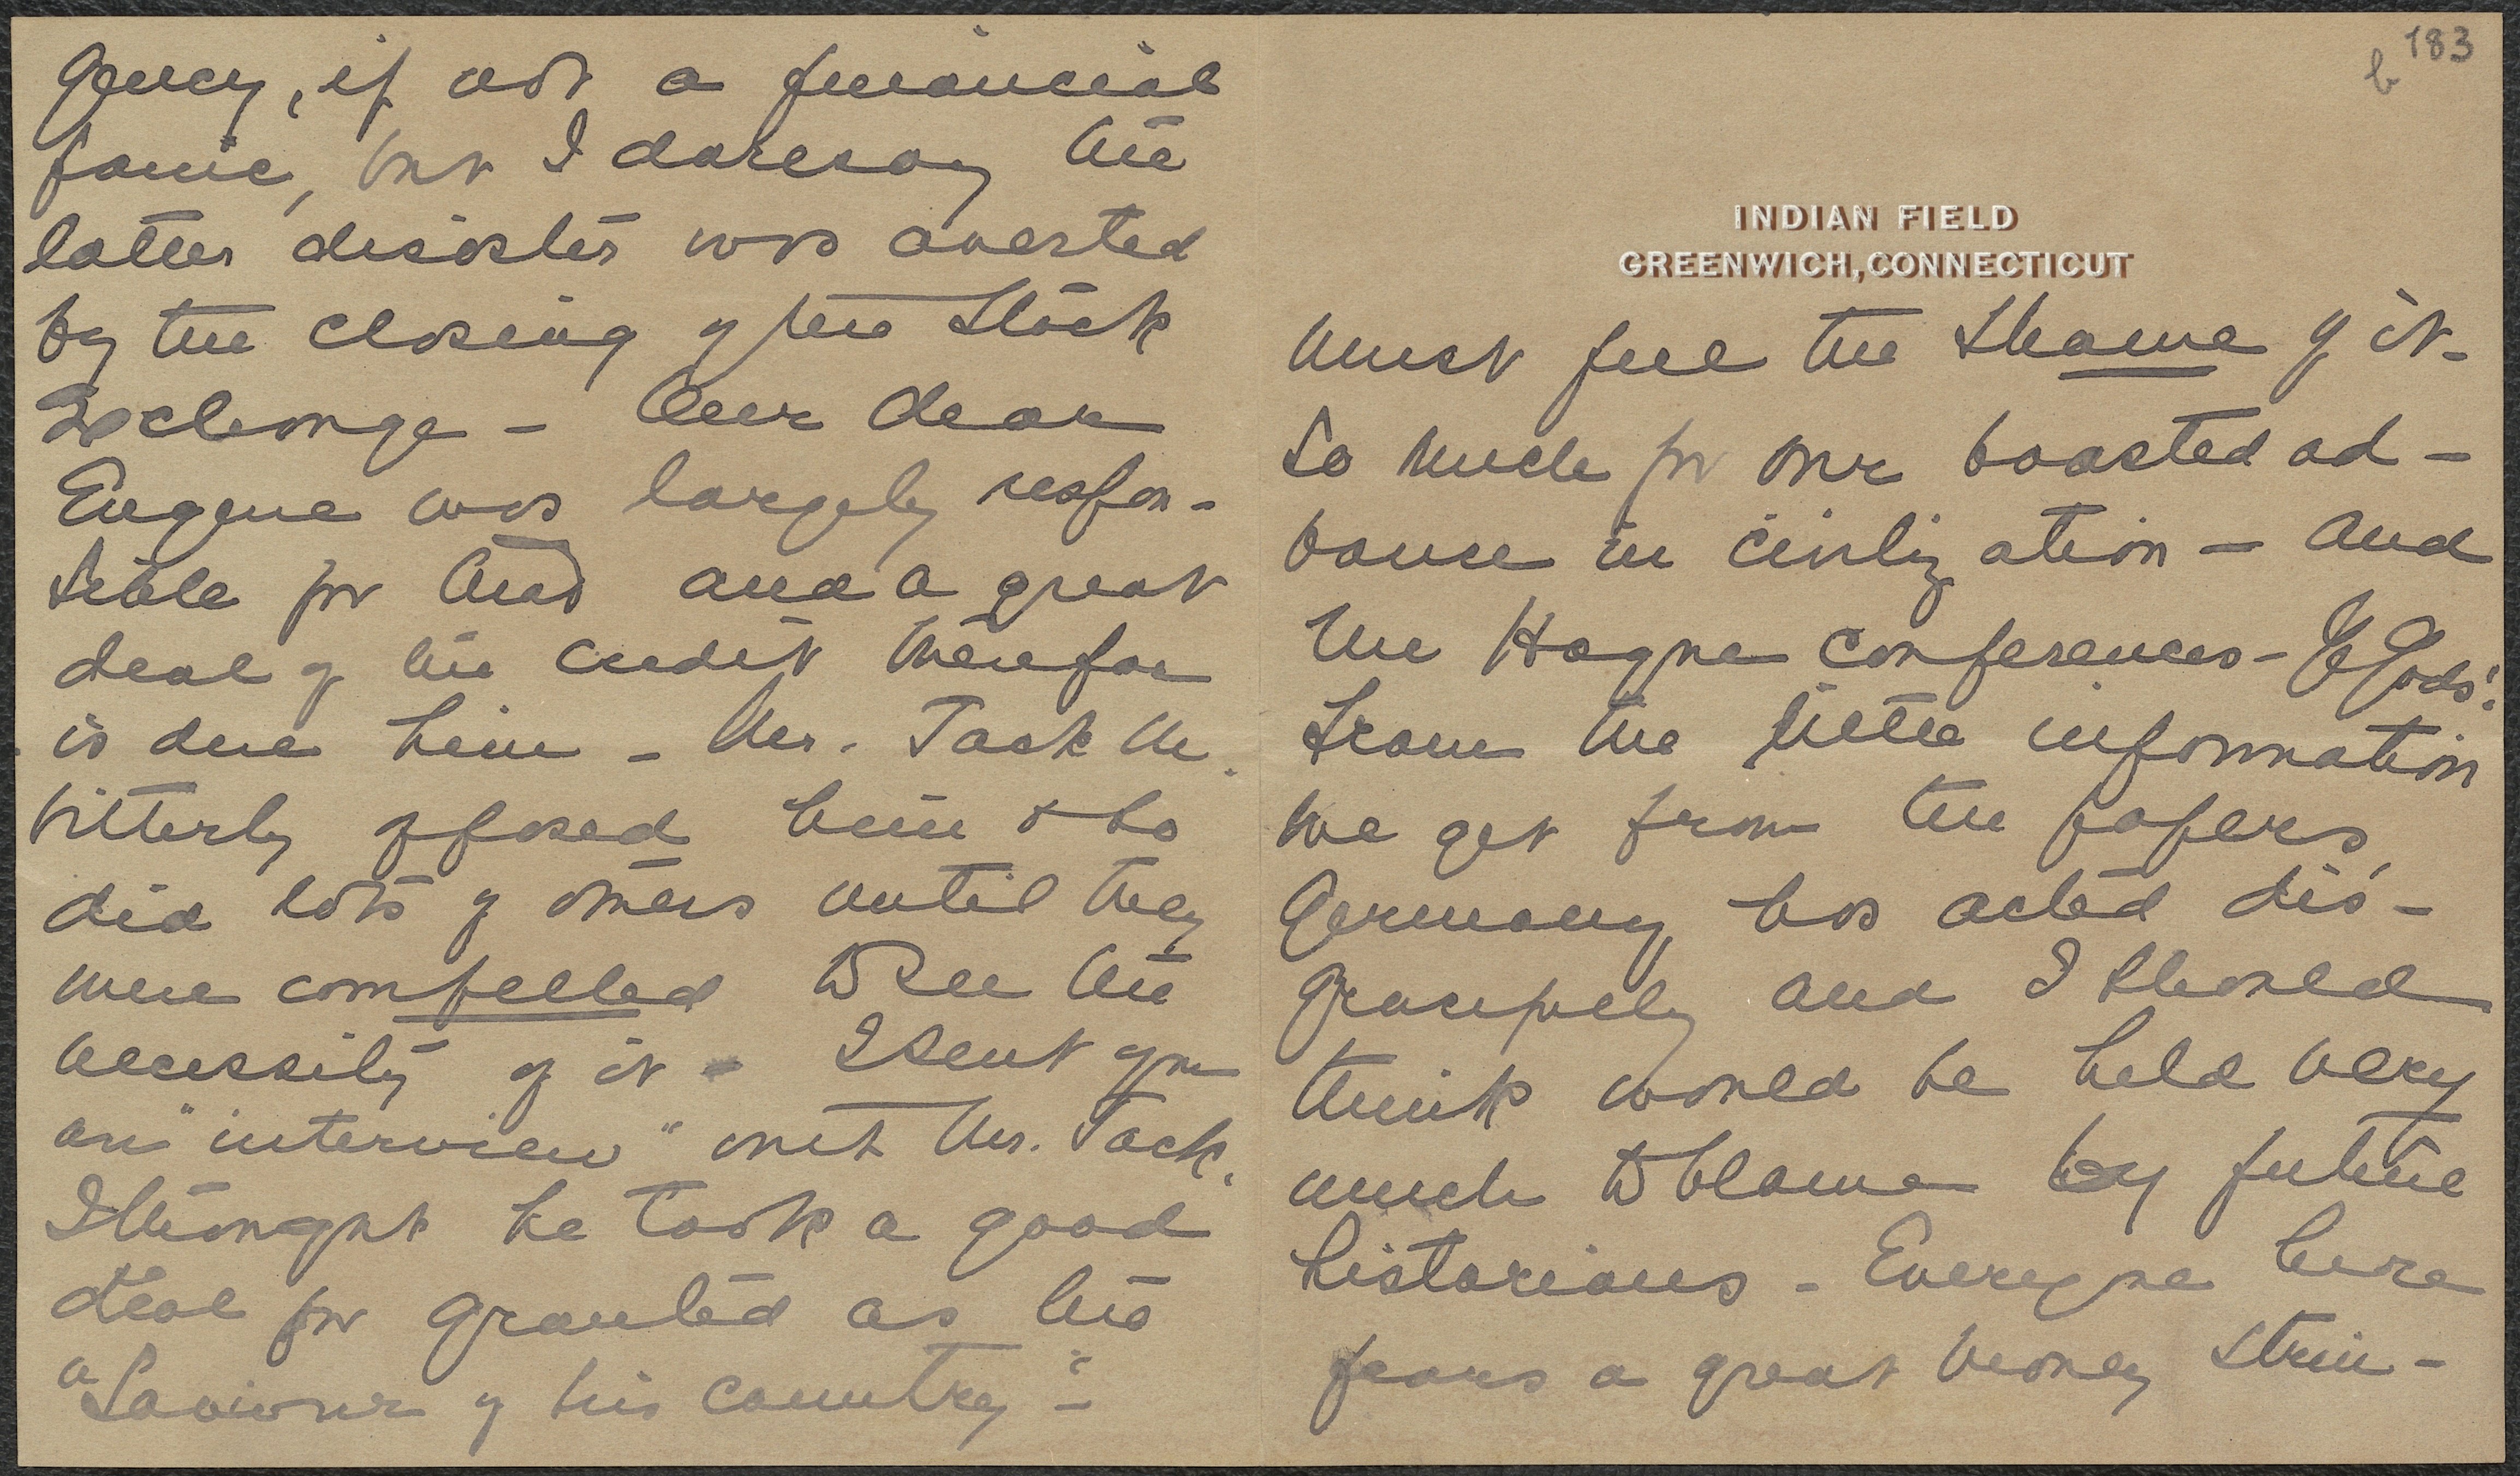must feel the shame of it – so much for one boasted advance in civilization – and the Hague Conferences – Ye Gods! From the little information we get from the papers Germany has acted disgracefully and I should think would be held very much to blame by future historians – Everyone here fears a great money stringency
if not a financial panic, but I daresay the latter disaster was averted by the closing of the Stock Exchange – Our dear Eugene was largely responsible for that and a great deal of the credit therefore is due him – Mr. Jack M. bitterly opposed him & so did lots of others until they were compelled to see the necessity of it – I sent you an “interview” with Mr. Jack. I thought he took a good deal for granted as the “Savior of his country” –